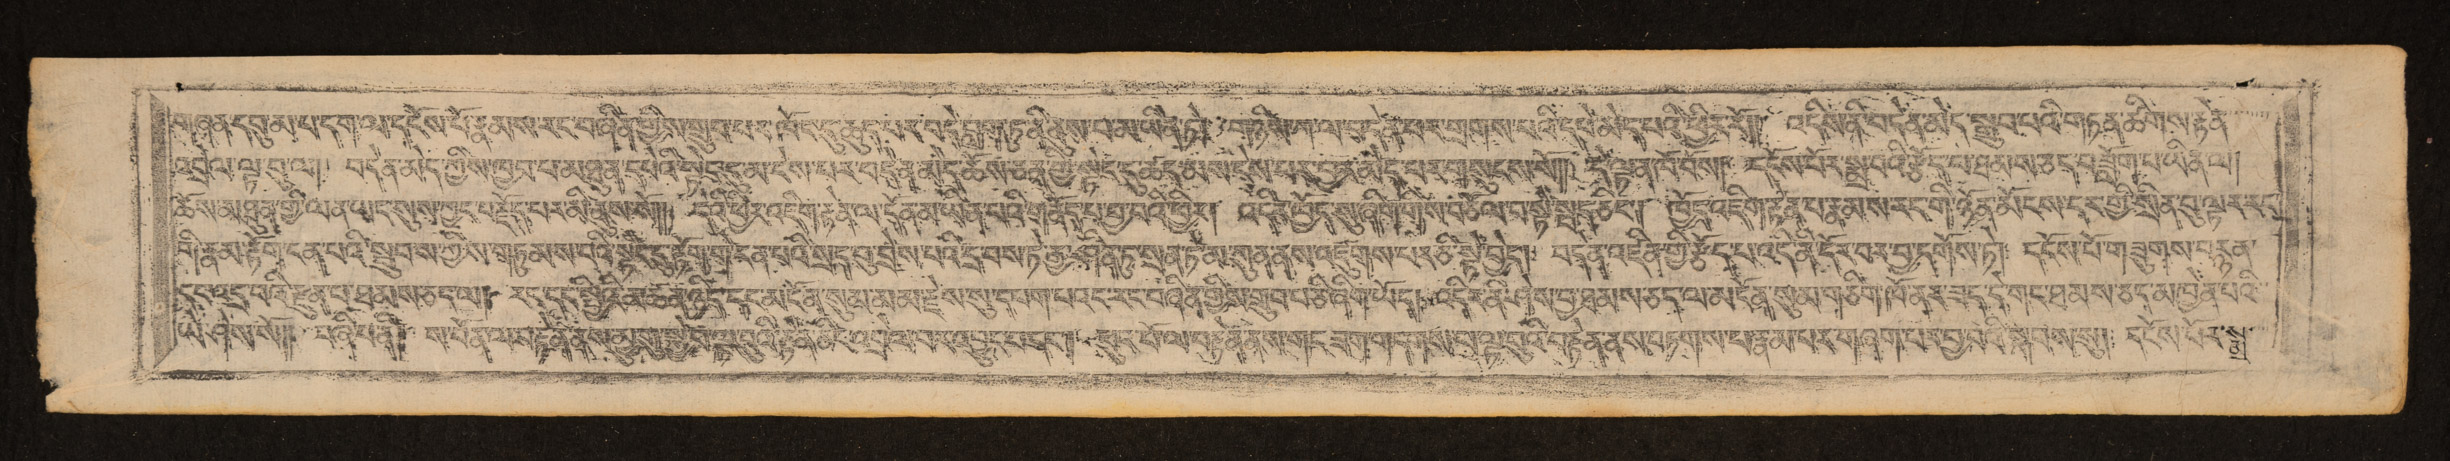གཞན་དབུ་མ་པ་དག་ལ་དངོས་པོ་རྣམས་རང་བཞིན་གྱིས་གྲུབ་པར་ཁོང་དུ་ཆུད་པར་བདེ་བླག་ཏུ་ནི་ནུས་པ་མ་ཡིན་ཏེ། གཉིས་ཀ་ལ་བདེན་པར་གྲགས་པའི་དཔེ་མེད་པའི་ཕྱིར་རོ།། འདིས་ནི་བདེན་མེད་སྒྲུབ་པའི་གཏན་ཚིགས་རྟེན་
འབྲེལ་ལྟ་བུ་ལ། བདེན་མེད་ཀྱིས་ཁྱབ་པ་མཐུན་དཔེའི་སྟེང་དུ་མ་ངེས་པར་བདེན་མེད་ཆོས་ཅན་གྱི་སྟེང་དུ་ཚད་མས་ངེས་པར་བྱར་མེད་པར་གསུངས་སོ།། དེ་ལྟ་ན་ཁོ་བོས། དངོས་པོར་སྨྲ་བའི་རྩོད་པ་ཐམས་ཅད་བཟློག་པ་ཡིན་ལ།
ཆོས་མཐུན་གྱི་ལན་ཡང་སུས་ཀྱང་བརྗོད་པར་མི་ནུས་སོ།། དེའི་ཕྱིར་འཇིག་རྟེན་ལ་དོན་མ་ཡིན་པའི་གནོད་པ་བྱ་བའི་ཕྱིར། འདིར་ཁྱོད་སུ་ཞིག་གིས་བཅོལ་བ་སྟེ་སྦད་ཅིང་། ཁྱོད་འཇིག་རྟེན་པ་རྣམས་རང་གི་ཉོན་མོངས་དར་གྱི་སྲིན་བུ་ལྟར་རང་
གི་རྣམ་རྟོག་ངན་པའི་སྦུབས་ཀྱིས་གཏུམས་པའི་སྟེང་དུ་རྟོག་གེ་ངན་པའི་སྲད་བུ་བྲེས་པའི་དྲ་བས་ཏེ་རྒྱ་ཤིན་ཏུ་སྲན་ཏེ་མ་ཀུན་ནས་འཛུགས་པར་ཅི་སྟེ་བྱེད། བདེན་འཛིན་གྱི་རྩོད་པ་འདི་ནི་དོར་བར་བྱ་དགོས་ཏེ། དངོས་པོ་གཟུགས་བརྙན་
དང་འདྲ་བའི་རྫུན་པ་ཐམས་ཅད་ལ། རང་དང་སྤྱིའི་མཚན་ཉིད་དང་མངོན་སུམ་མམ་རྗེས་སུ་དཔག་པའམ་རང་བཞིན་གྱིས་གྲུབ་པ་ཅི་ཞིག་ཡོད། འདིར་ནི་ཤེས་བྱ་ཐམས་ཅད་ལ་མངོན་སུམ་གཅིག་ཁོ་ནར་ཟད་དེ་གང་ཐམས་ཅད་མཁྱེན་པའི་
ཡེ་ཤེས་སོ།། བཞི་པ་ནི། ས་བོན་ལ་བརྟེན་ནས་མྱུ་གུ་སྐྱེ་བ་ལྟ་བུའི་རྟེན་ཅིང་འབྲེལ་བར་འབྱུང་བ་དང་། ཕུང་པོ་ལ་བརྟེན་ནས་གང་ཟག་གདགས་པ་ལྟ་བུའི་བརྟེན་ནས་བཏགས་པ་རྣམ་པར་གཞག་པར་བྱ་བའི་སྐབས་སུ། དངོས་པོར་སྨྲ་